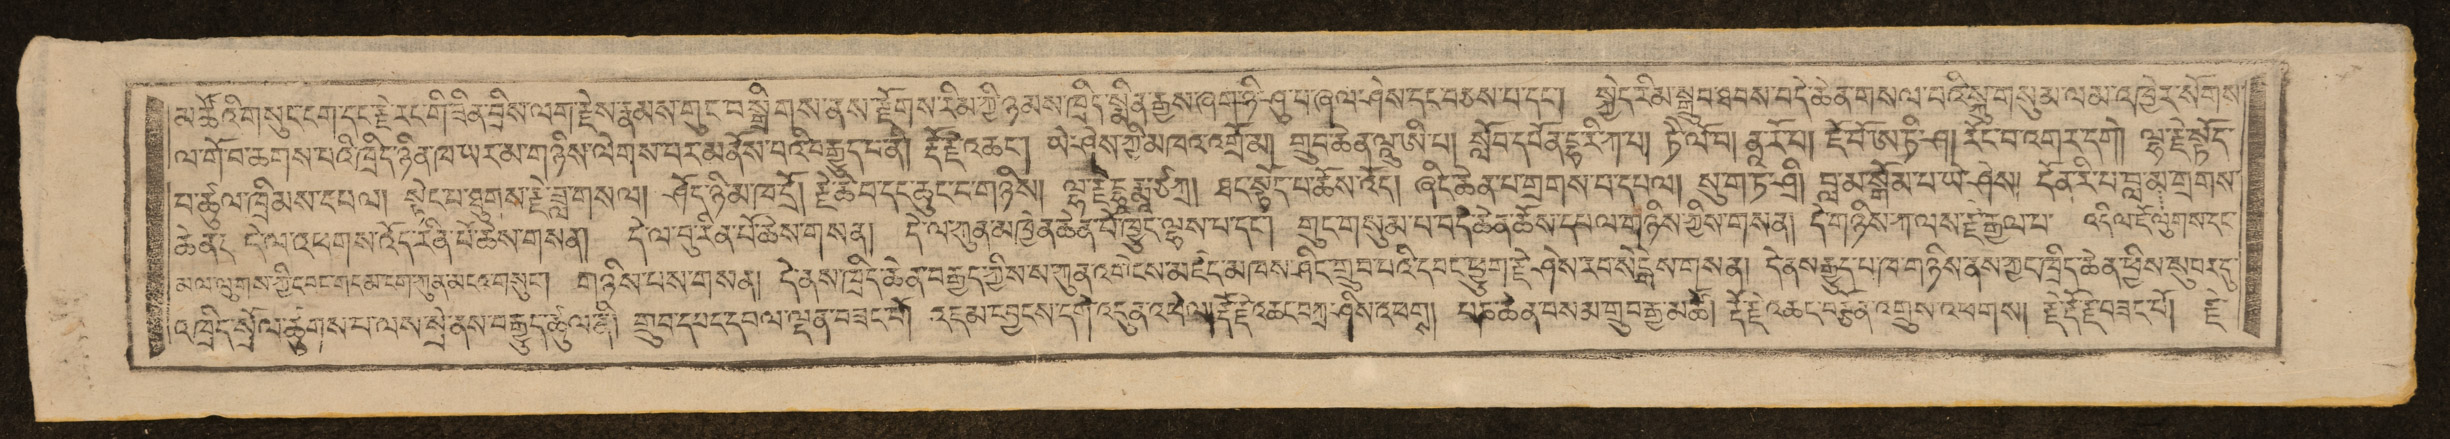མ་ཚོའི་གསུང་ངག་དང་རྗེ་རང་གི་ཟིན་བྲིས་ལག་རྗེས་རྣམས་གུང་བསྒྲིགས་ནས་རྫོགས་རིམ་ཀྱི་ཉམས་ཁྲིད་སྨིན་རྒྱས་ཞག་ཉི་ཤུ་པ་ཞལ་ཤེས་དང་བཅས་པ་དང་། སྐྱེད་རིམ་སྒྲུབ་ཐབས་བདེ་ཆེན་གསལ་པའི་སྐུ་གསུམ་ལམ་འཁྱེར་སོགས་
ལ་གོ་བ་ཆགས་པའི་ཁྲིད་ཉིན་ཁ་ཡར་མ་གཉིས་ལེགས་པར་མནོས་པའི་བརྒྱུད་པ་ནི། རྡོ་རྗེ་འཆང་། ཡེ་ཤེས་ཀྱི་མཁའ་འགྲོ་མ། གྲུབ་ཆེན་ལཱུ་ཨི་པ། སློབ་དཔོན་དྷ་རི་ཀ་པ། ཏཻ་ལོ་བ། ནཱ་རོ་པ། ཇོ་བོ་ཨ་ཏི་ཤ། རོང་བ་འགར་དགེ། ལྷ་རྗེ་སྟོད་
བ་ཚུལ་ཁྲིམས་དཔལ། སེང་པ་ཐུགས་རྗེ་ཟླ་གསལ། ཤོད་ཉི་མ་ཁ་དྲོ། རྗེ་ཆེ་བ་དང་ཆུང་ང་གཉིས། ལྷ་རྗེ་དྷཱརྨཱ་ཙྐྲ། ཐང་སྟོང་པ་ཆོས་འོད། ཞིང་ཆེན་པ་གྲགས་པ་དཔལ། སུ་ག་ཏི་ཤྲི། བླ་མ་སྒོམ་པ་ཡེ་ཤེས། དོན་རི་པ་བླ་མ་གྲགས་
ཆེན༑ དེ་ལ་འཕགས་འོད་རིན་པོ་ཆེས་གསན། དེ་ལ་བུ་རིན་པོ་ཆེས་གསན། དེ་ལ་ཀུན་མཁྱེན་ཆེན་པོ་ཁྱུད་ལྷས་པ་དང་། གུང་གསུམ་པ་བདེ་ཆེན་ཆོས་དཔལ་གཉིས་ཀྱིས་གསན། དེ་གཉིས་ཀ་ལས་རྗེ་རྒྱལ་པ་འདི་ལ་ཇོ་ལུགས་དང་
མལ་ལུགས་ཀྱི་དབང་གདམ་ནག་ཀུན་མངའ་གསུང་། གཉིས་པས་གསན། དེ་ནས་ཁྲིད་ཆེན་བརྒྱད་ཀྱིས་ས་ཀུན་འགེངས་མཛད་མ་ཁས་ཤིང་གྲུབ་པའི་དབང་ཕྱུག་རྗེ་ཤེས་རབ་སེངྒེས་ས་གསན། དེ་ནས་རྒྱུད་པ་ཁ་གཉིས་ནས་ཀྱང་ཁྲིད་ཆེན་ཕྱིས་སུ་བར་དུ་
འཁྲིད་སྲོལ་ཚུགས་པ་ལས་སྲེ་ནས་བརྒྱུད་ཚུལ་ནི། གྲུབ་དཔང་དབལ་ལྡན་བཟང་པོ། འཇམ་དབྱངས་དགེ་འདུན་འཕེལ། རྡོ་རྗེ་འཆང་བཀྲ་ཤིས་འཕགས། པཎ་ཆེན་བསམ་གྲུབ་རྒྱ་མཚོ། རྡོ་རྗེ་འཆང་བརྩོན་འགྲུས་འཕགས། རྗེ་རྡོ་རྗེ་བཟང་པོ། རྗེ་